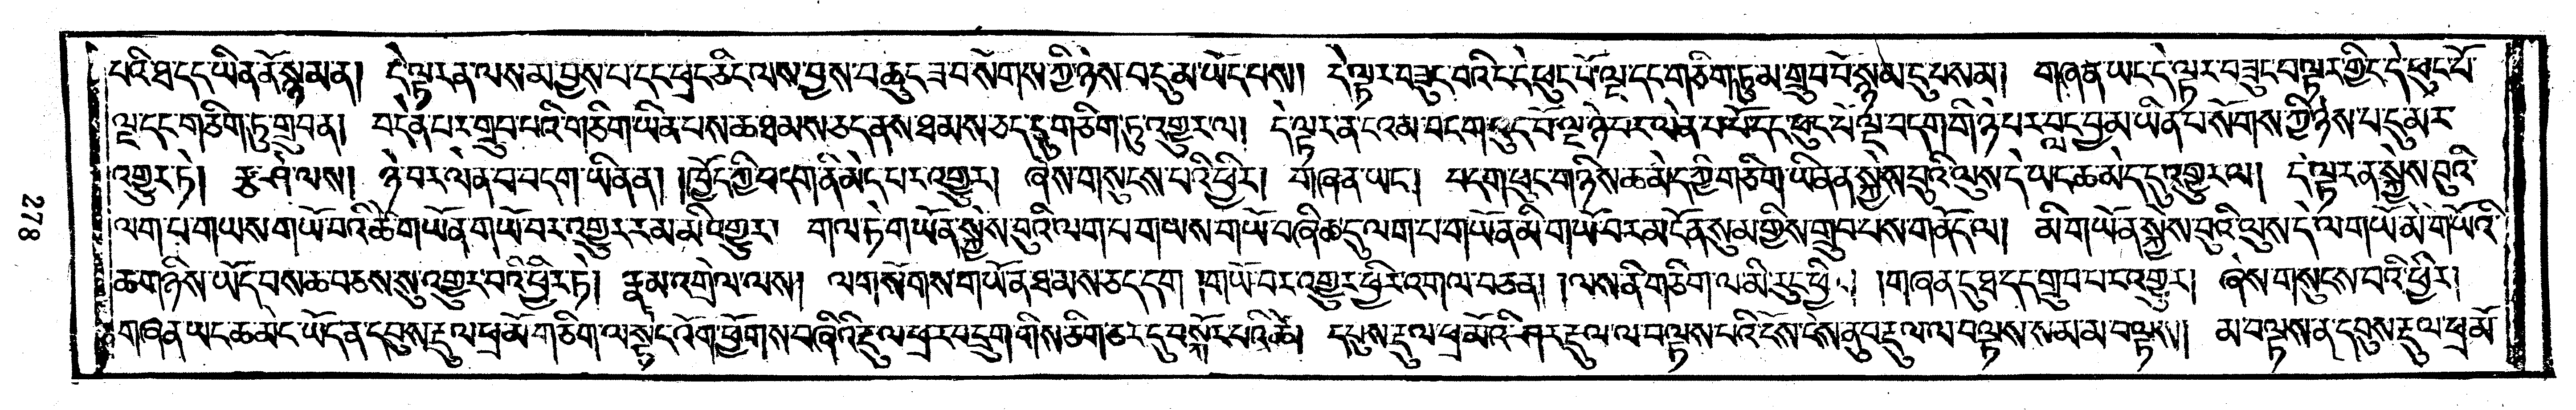པའི་ཐ་དད་ཡིན་ནོ་སྙམ་ན། དེ་ལྟར་ན་ལས་མ་བྱས་པ་དང་ཕྲང་ཅིང་ལས་བྱས་པ་ཆུང་ཟ་བ་སོགས་ཀྱི་ཉེས་བ་དུ་མ་ཡོད་པས། དེ་ལྟར་བཟུང་བའི་ང་དེ་ཕུང་པོ་ལྔ་དང་གཅིག་ཏུ་མ་གྲུབ་བོ་སྙམ་དུ་བསམ། གཞན་ཡང་དེ་ལྟར་བཟུང་བ་ལྟར་གྱི་ང་དེ་ཕུང་པོ་
ལྔ་དང་གཅིག་ཏུ་གྲུབ་ན། བདེན་པར་གྲུབ་པའི་གཅིག་ཡིན་པས་ཆ་ཐམས་ཅད་ནས་ཐམས་ཅད་དུ་གཅིག་ཏུ་འགྱུར་ལ། དེ་ལྟར་ན་ངའམ་བདག་ཕུང་པོ་ལྔ་ཉེ་བར་ལེན་པ་པོ་དང་ཕུང་པོ་ལྔ་བདག་གི་ཉེ་པར་བླང་བྱ་མ་ཡིན་པ་སོགས་ཀྱི་ཉེས་པ་དུ་མར་
འགྱུར་ཏེ། རྩ་ཤེ་ལས། ཉེ་བར་ལེན་བ་བདག་ཡིན་ན། །ཁྱོད་ཀྱི་བདག་ནི་མེད་པར་འགྱུར། ཞེས་གསུངས་པའི་ཕྱིར། གཞན་ཡང་། བདག་ཕུང་གཉིས་ཆ་མེད་ཀྱི་གཅིག་ཡིན་ན་སྐྱེས་བུའི་ལུས་དེ་ཡང་ཆ་མེད་དུ་འགྱུར་ལ། དེ་ལྟར་ན་སྐྱེས་བུའི་
ལག་པ་གཡས་གཡོ་བའི་ཚེ་གཡོན་གཡོ་བར་འགྱུར་རམ་མི་འགྱུར། གལ་ཏེ་གཡོན་སྐྱེས་བུའི་ལག་པ་གཡས་གཡོ་བཞི་ཆ་དུ་ལག་པ་གཡོན་མི་གཡོ་བར་མངོན་སུམ་གྱིས་གྲུབ་པས་གནོད་ལ། མི་གཡོན་སྐྱེས་བུའི་ལུས་དེ་ལ་གཡོ་མེ་གཡོའི་
ཆ་གཉིས་ཡོད་བས་ཆ་བཅས་སུ་འགྱུར་བའི་ཕྱིར་ཏེ། རྣམ་འགྲེལ་ལས། ལག་སོགས་གཡོན་ཐམས་ཅད་དག །གཡོ་བར་འགྱུར་ཕྱིར་འགལ་བ་ཅན། །ལས་ནི་གཅིག་ལ་མི་རུང་ཕྱིར། །གཞན་དུ་ཐ་དད་གྲུབ་པར་འགྱུར། ཞེས་གསུངས་བའི་ཕྱིར།
གཞན་ཡང་ཆ་མེད་ཡོད་ན་དབུས་རྡུལ་ཕྲ་མོ་གཅིག་ལ་སྟེང་འོག་ཕྱོགས་བཞིའི་རྡུལ་ཕྲ་རབ་དྲུག་གིས་ཅིག་ཅར་དུ་བསྐོར་པའི་ཚེ། དབུས་རྡུལ་ཕྲ་མོའི་ཤར་རྡུལ་ལ་བལྟས་པའི་ངོས་ངེས་ནུབ་རྡུལ་ལ་བལྟས་སམ་མ་བལྟས། མ་བལྟས་ན་དབུས་རྡུལ་ཕྲ་མོ་